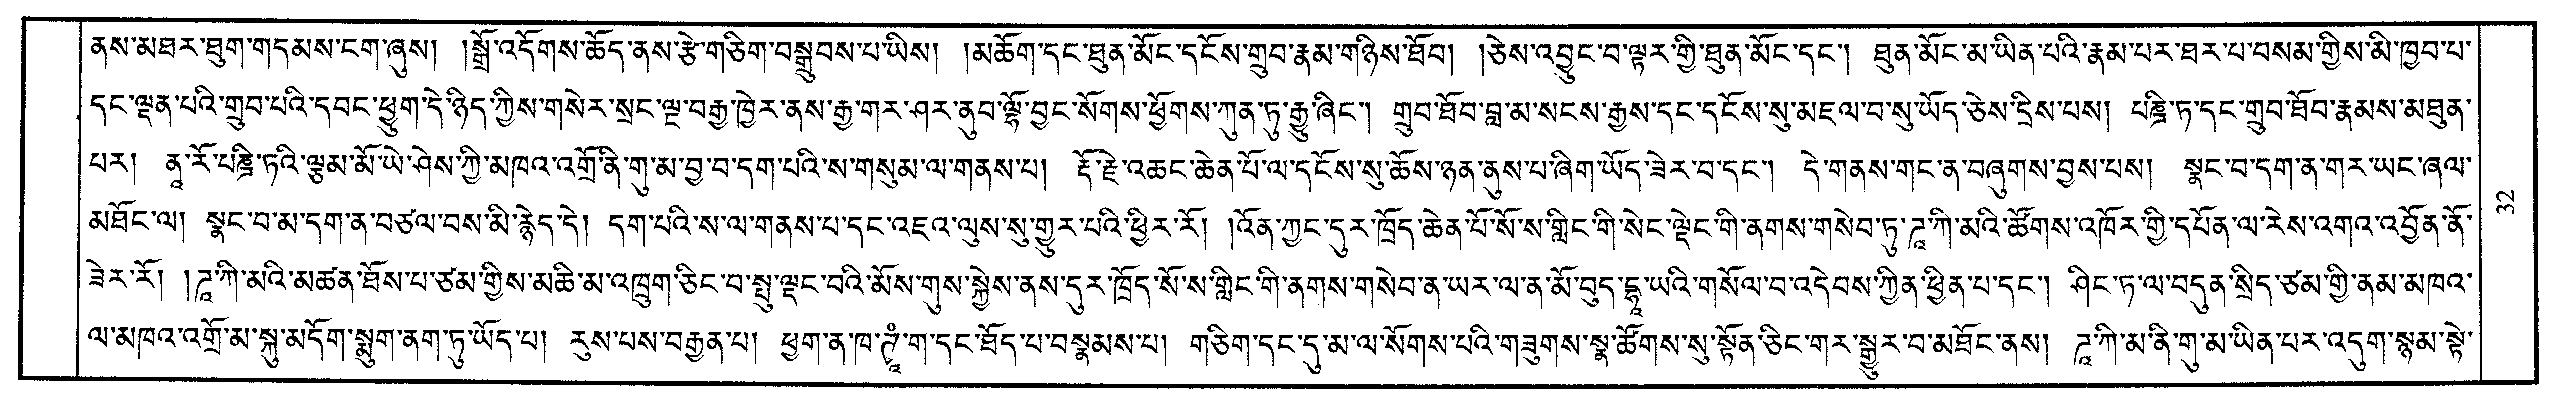ནས་མཐར་ཐུག་གདམས་ངག་ཞུས། །སྒྲོ་འདོགས་ཆོད་ནས་རྩེ་གཅིག་བསྒྲུབས་པ་ཡིས། །མཆོག་དང་ཐུན་མོང་དངོས་གྲུབ་རྣམ་གཉིས་ཐོབ། །ཅེས་འབྱུང་བ་ལྟར་གྱི་ཐུན་མོང་དང་། ཐུན་མོང་མ་ཡིན་པའི་རྣམ་པར་ཐར་པ་བསམ་གྱིས་མི་ཁྱབ་པ་
དང་ལྡན་པའི་གྲུབ་པའི་དབང་ཕྱུག་དེ་ཉིད་ཀྱིས་གསེར་སྲང་ལྔ་བརྒྱ་ཁྱེར་ནས་རྒྱ་གར་ཤར་ནུབ་ལྷོ་བྱང་སོགས་ཕྱོགས་ཀུན་ཏུ་རྒྱུ་ཞིང་། གྲུབ་ཐོབ་བླ་མ་སངས་རྒྱས་དང་དངོས་སུ་མཇལ་བ་སུ་ཡོད་ཅེས་དྲིས་པས། པཎྜི་ཏ་དང་གྲུབ་ཐོབ་རྣམས་མཐུན་
པར། ནཱ་རོ་པཎྜི་ཏའི་ལྕམ་མོ་ཡེ་ཤེས་ཀྱི་མཁའ་འགྲོ་ནི་གུ་མ་བྱ་བ་དག་པའི་ས་གསུམ་ལ་གནས་པ། རྡོ་རྗེ་འཆང་ཆེན་པོ་ལ་དངོས་སུ་ཆོས་ཉན་ནུས་པ་ཞིག་ཡོད་ཟེར་བ་དང་། དེ་གནས་གང་ན་བཞུགས་བྱས་པས། སྣང་བ་དག་ན་གར་ཡང་ཞལ་
མཐོང་ལ། སྣང་བ་མ་དག་ན་བཙལ་བས་མི་རྙེད་དེ། དག་པའི་ས་ལ་གནས་པ་དང་འཇའ་ལུས་སུ་གྱུར་པའི་ཕྱིར་རོ། །འོན་ཀྱང་དུར་ཁྲོད་ཆེན་པོ་སོ་ས་གླིང་གི་སེང་ལྡེང་གི་ནགས་གསེབ་ཏུ་ཌཱ་ཀི་མའི་ཚོགས་འཁོར་གྱི་དཔོན་ལ་རེས་འགའ་འབྱོན་ནོ་
ཟེར་རོ། །ཌཱ་ཀི་མའི་མཚན་ཐོས་པ་ཙམ་གྱིས་མཆི་མ་འཁྲུག་ཅིང་བ་སྤུ་ལྡང་བའི་མོས་གུས་སྐྱེས་ནས་དུར་ཁྲོད་སོ་ས་གླིང་གི་ནགས་གསེབ་ན་ཡར་ལ་ན་མོ་བུད་དྷཱ་ཡའི་གསོལ་བ་འདེབས་ཀྱིན་ཕྱིན་པ་དང་། ཤིང་ཏ་ལ་བདུན་སྲིད་ཙམ་གྱི་ནམ་མཁའ་
ལ་མཁའ་འགྲོ་མ་སྐུ་མདོག་སྨུག་ནག་ཏུ་ཡོད་པ། རུས་པས་བརྒྱན་པ། ཕྱག་ན་ཁ་ཊྭཱཾ་ག་དང་ཐོད་པ་བསྣམས་པ། གཅིག་དང་དུ་མ་ལ་སོགས་པའི་གཟུགས་སྣ་ཚོགས་སུ་སྟོན་ཅིང་གར་སྒྱུར་བ་མཐོང་ནས། །ཌཱ་ཀི་མ་ནི་གུ་མ་ཡིན་པར་འདུག་སྙམ་སྟེ་